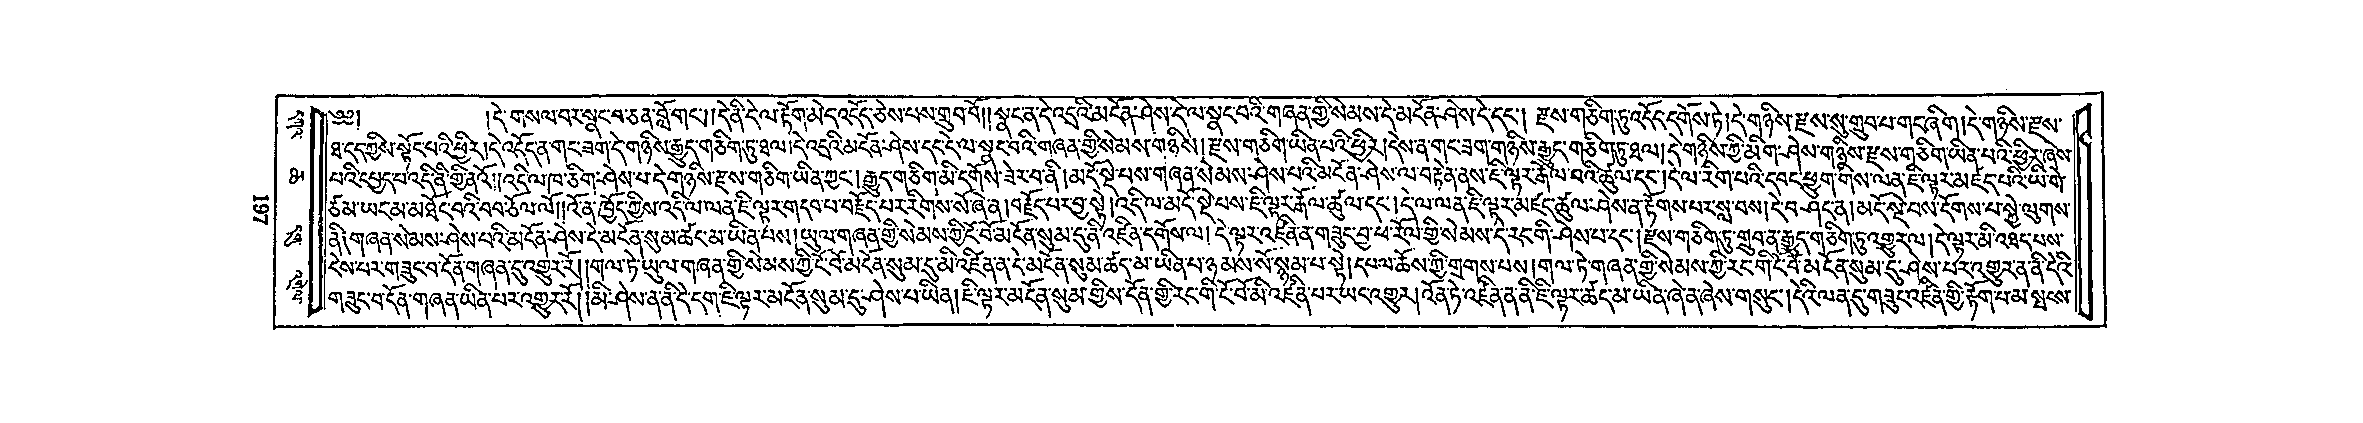༄༅། །དེ་གསལ་བར་སྣང་བ་ཅན་བློ་གང་། །དེ་ནི་དེ་ལ་རྟོག་མེད་འདོད་ཅེས་པས་གྲུབ་བོ། །སྣང་ན་དེ་འདྲའི་མངོན་ཤེས་དེ་ལ་སྣང་བའི་གཞན་གྱི་སེམས་དེ་མངོན་ཤེས་དེ་དང་། རྫས་གཅིག་ཏུ་འདོད་དགོས་ཏེ། དེ་གཉིས་རྫས་སུ་གྲུབ་པ་གང་ཞིག །དེ་གཉིས་རྫས་
ཐ་དད་ཀྱིས་སྟོང་པའི་ཕྱིར། དེ་འདོད་གང་ཟག་དེ་གཉིས་རྒྱུད་གཅིག་ཏུ་ཐལ། དེ་འདྲའི་མངོན་ཤེས་དང་དེ་ལ་སྣང་བའི་གཞན་གྱི་སེམས་གཉིས། རྫས་གཅིག་ཡིན་པའི་ཕྱིར། དེས་ན་གནག་ཟག་གཉིས་རྒྱུད་གཅིག་ཏུ་ཐལ། དེ་གཉིས་ཀྱི་མི་ཤེས་གཉིས་རྫས་གཅིག་ཡིན་པའི་ཕྱིར་ཞེས་
པའི་དཔྱད་པ་འདི་ནི་གྱི་ནའོ།འདི་ལ་ཁ་ཅིག་ཤེས་པ་དེ་གཉིས་རྫས་གཅིག་ཡིན་ཀྱང་། རྒྱུད་གཅིག་མི་དགོས་ཟེར་བ་ནི། མདོ་སྡེ་པས་གཞན་སེམས་ཤེས་པའི་མངོན་ཤེས་ལ་བརྟེན་ནས་ཇི་ལྟར་རྒོལ་བའི་ཚུལ་དང་། དེ་ལ་རིག་པའི་དབང་ཕྱུག་གིས་ལན་ཇི་ལྟར་མཛད་པའི་ཡི་གེ་
ཙམ་ཡང་མ་མཐོང་བའི་བབ་ཅོལ་ལོ། །འོ་ན་ཁྱོད་ཀྱིས་འདི་ལ་ལན་ཇི་ལྟར་གདབ་པ་བརྗོད་པར་རིགས་སོ་ཞེ་ན། བརྗོད་པར་བྱ་སྟེ། འདི་ལ་མདོ་སྡེ་པས་ཇི་ལྟར་རྒོལ་ཚུལ་དང་། དེ་ལ་ལན་ཇི་ལྟར་མཛད་ཚུལ་ཤེས་ན་རྟོགས་པར་སླ་བས། དེ་བཤད་ན། མདོ་སྡེ་པས་དོགས་པ་སྐྱེ་ལུགས་
ནི། གཞན་སེམས་ཤེས་པའི་མངོན་ཤེས་དེ་མངོན་སུམ་ཚང་མ་ཡིན་པས། ཡུལ་གཞན་གྱི་སེམས་ཀྱི་ངོ་བོ་མངོན་སུམ་དུ་ནི་འཛིན་དགོས་ལ། དེ་ལྟར་འཛིན་ན་གཟུང་བྱ་ཕ་རོལ་གྱི་སེམས་དེ་རང་གི་ཤེས་པ་དང་། རྫས་གཅིག་ཏུ་གྲུབ་ན་རྒྱུད་གཅིག་ཏུ་འགྱུར་ལ། དེ་ལྟར་མི་འཐད་པས་
ངེས་པར་གཟུང་བ་དོན་གཞན་དུ་འགྱུར་རོ། །གལ་ཏེ་ཡུལ་གཞན་གྱི་སེམས་ཀྱི་ངོ་བོ་མངོན་སུམ་དུ་མི་འཛིན་ན་དེ་མངོན་སུམ་ཚད་མ་ཡིན་པ་ཉམས་སོ་སྙམ་པ་སྟེ། དཔལ་ཆོས་ཀྱི་གྲགས་པས། གལ་ཏེ་གཞན་གྱི་སེམས་ཀྱི་རང་གི་ངོ་བོ་མངོན་སུམ་དུ་ཤེས་པར་འགྱུར་ན་ནི་དེའི་
གཟུང་བ་དོན་གཞན་ཡིན་པར་འགྱུར་རོ། །མི་ཤེས་ན་ནི་དེ་དག་ཇི་ལྟར་མངོན་སུམ་དུ་ཤེས་པ་ཡིན། ཇི་ལྟར་མངོན་སུམ་གྱིས་དོན་གྱི་རང་གི་ངོ་བོ་མི་འཛིན་པར་ཡང་འགྱུར། འོན་ཏེ་འཛིན་ན་ནི་ཇི་ལྟར་ཚད་མ་ཡིན་ཞེ་ན་ཞེས་གསུང་། དེའི་ལན་དུ་གཟུང་འཛིན་གྱི་རྟོག་པ་མ་སྤངས་